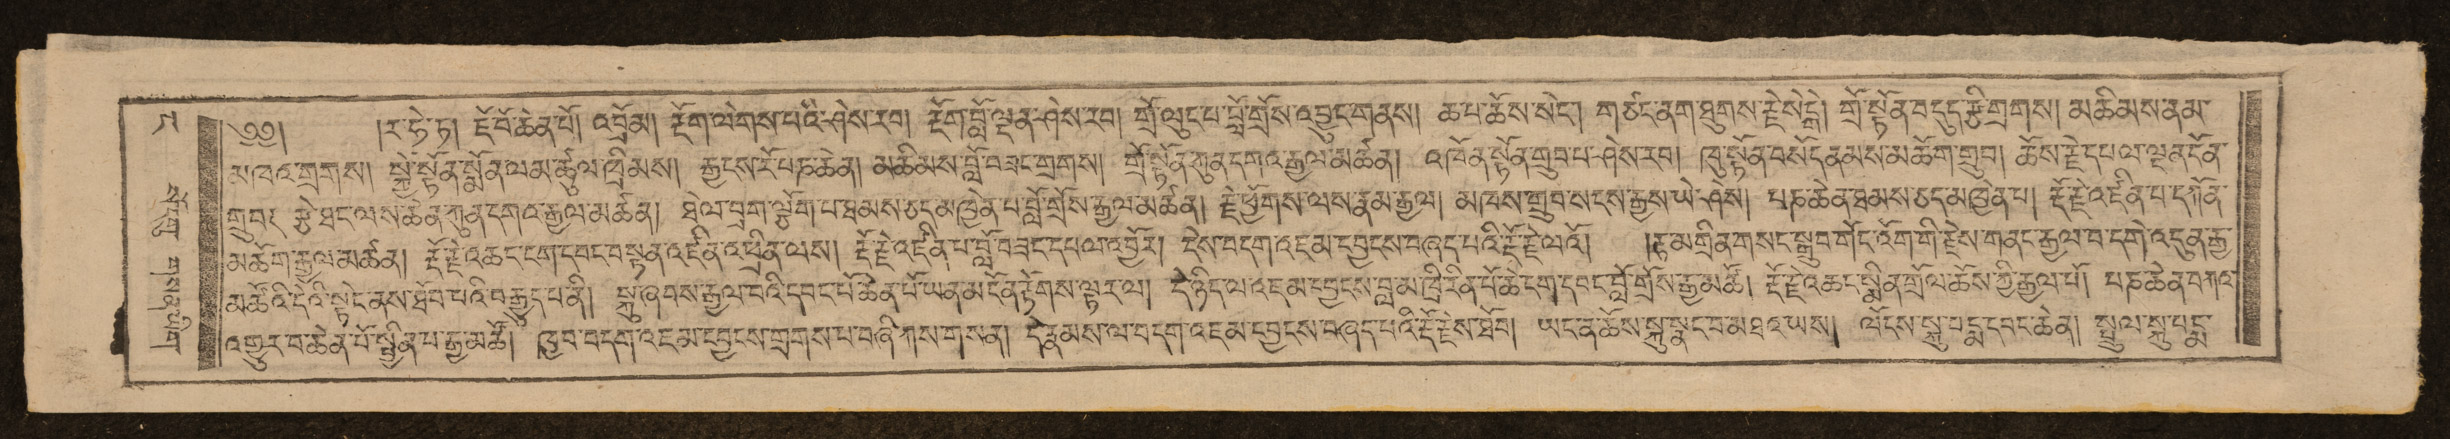༄༅། །ར་ཧེ་ཏ། ཇོ་བོ་ཆེན་པོ། འབྲོམ། རྔོག་ལེགས་པའི་ཤེས་རབ། རྔོག་བློ་ལྡན་ཤེས་རབ། གྲོ་ལུང་བ་བློ་གྲོས་འབྱུང་གནས། ཆ་བ་ཆོས་སེང་། གཙང་ནག་ཐུགས་རྗེ་སེངྒེ། གྲོ་སྟོན་བདུད་རྩི་གྲགས། མཆིམས་ནམ་
མཁའ་གྲགས། སྐྱེ་སྟོན་སྨོན་ལམ་ཚུལ་ཁྲིམས། རྒྱངས་རོ་པཎ་ཆེན། མཆིམས་བློ་བཟང་གྲགས། གྲོ་སྟོན་ཀུན་དགའ་རྒྱལ་མཚན། འཁོན་སྟོན་གྲུབ་པ་ཤེས་རབ། ཁུ་སྟོན་བསོད་ནམས་མཆོག་གྲུབ། ཆོས་རྗེ་དཔལ་ལྡན་དོན་
གྲུབ༑ རྩེ་ཐང་ལས་ཆེན་ཀུན་དགའ་རྒྱལ་མཚན། ཐེལ་བྲག་ལྕོག་པ་ཐམས་ཅད་མཁྱེན་པ་བློ་གྲོས་རྒྱལ་མཚན། རྗེ་ཕྱོགས་ལས་རྣམ་རྒྱལ། མཁས་གྲུབ་སངས་རྒྱས་ཡེ་ཤེས། པཎ་ཆེན་ཐམས་ཅད་མཁྱེན་པ། རྡོ་རྗེ་འཛིན་པ་དཀོན་
མཆོག་རྒྱལ་མཚན། རྡོ་རྗེ་འཆང་ངག་དབང་བསྟན་འཛིན་འཕྲིན་ལས། རྡོ་རྗེ་འཛིན་པ་བློ་བཟང་དཔལ་འབྱོར། དེས་བདག་འཇམ་དབྱངས་བཞད་པའི་རྡོ་རྗེ་ལའོ། །རྟ་མགྲིན་གསང་སྒྲུབ་གོང་འོག་གི་རྗེས་གནང་རྒྱལ་བ་དགེ་འདུན་རྒྱ་
མཚོའི་དེའི་སྟེང་ནས་ཐོབ་པའི་བརྒྱུད་པ་ནི། སྐུ་ཞབས་རྒྱལ་བའི་དབང་པོ་ཆེན་པོ་ཡན་མངོན་རྟོགས་ལྟར་ལ། དེ་ཉིད་ལ་འཇམ་དབྱངས་བླ་མ་ཁྲི་རིན་པོ་ཆེ་ངག་དབང་བློ་གྲོས་རྒྱ་མཚོ། རྡོ་རྗེ་འཆང་སྨིན་གྲོལ་ཆོས་ཀྱི་རྒྱལ་པོ། པཎ་ཆེན་བཀའ་
འགྱུར་བ་ཆེན་པོ་སྦྱིན་པ་རྒྱ་མཚོ། ཁྱབ་བདག་འཇམ་དབྱངས་གྲགས་པ་བཞི་ཀས་གསན། དེ་རྣམས་ལ་བདག་འཇམ་དབྱངས་བཞད་པའི་རྡོ་རྗེས་ཐོབ། ཡང་ན་ཆོས་སྐུ་སྣང་བ་མཐའ་ཡས། ལོངས་སྐྲ་པདམ་དབང་ཆེན། སྤྲུལ་སྐུ་པདམ་